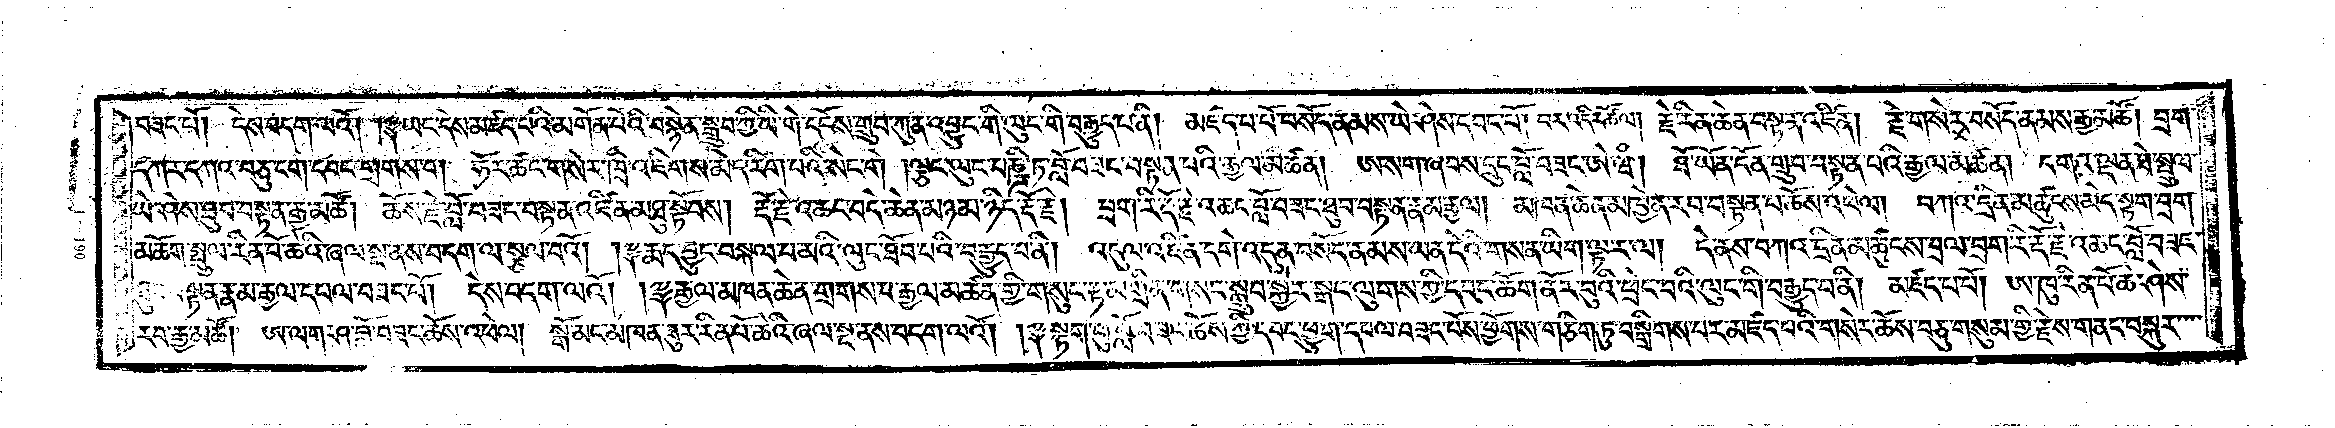ཁྲུང་པོ། དེས་བདག་ལའོ། །༈ ཡང་དེས་མཛད་པའི་མགོན་པོའི་བསྙེན་སྒྲུབ་ཀྱི་ཡི་གེ་དངོས་གྲུབ་ཀུན་འབྱུང་གི་ལུང་གི་བརྒྱུད་པ་ནི། མཛད་པ་པོ་བསོད་ནམས་ཡེ་ཤེས་དབང་པོ། བར་འདིར་ཚོལ། རྗེ་རིན་ཆེན་བསྟན་འཛིན། རྗེ་གསེར་བསོད་ནམས་རྒྱ་མཚོ། བྲག་
དཀར་དཀའ་བཅུ་ངག་དབང་གྲགས་བ། ཧོར་ཚང་གསེར་ཁྲི་འཇིགས་མེད་རིག་པའི་སེང་གེ །ལྕང་ལུང་པཎྜི་ཏ་བློ་བཟང་བསྟན་པའི་རྒྱལ་མཚན། ཨ་སག་ཞབས་དྲུང་བློ་བཟང་ཨེ་ཝཾ། ཐོག་ཡོན་དོན་གྲུབ་བསྟན་པའི་རྒྱལ་མཚན། དགའ་ལྡན་ཐེ་སྤྲུལ་
ཡེ་ཤེས་ཐུབ་བསྟན་རྒྱ་མཚོ། ཆོས་རྗེ་བློ་བཟང་བསྟན་འཛིན་མཐུ་སྟོབས། རྡོ་རྗེ་འཆང་བདེ་ཆེན་མཉམ་ཉིད་རྡོ་རྗེ། བྲག་རི་རྡོ་རྗེ་འཆང་བློ་བཟང་ཐུབ་བསྟན་རྣམ་རྒྱལ། མཁན་ཆེན་མཁྱེན་རབ་བསྟན་པ་ཆོས་འཕེལ། བཀའ་འདྲིན་མཚུངས་མེད་སྟག་བྲག་
མཆོག་སྤྲུལ་རིན་པོ་ཆེའི་ཞལ་སྔ་ནས་བདག་ལ་སྩལ་བའོ། །༈ རྨད་བྱུང་བསྐལ་བ་མའི་ལུང་ཐོབ་པའི་བརྒྱུད་པ་ནི། འདུལ་འཛིན་དགེ་འདུན་བསོད་ནམས་ཡན་དེའི་གསན་ཡིག་ལྟར་ལ། དེ་ནས་བཀའ་དྲིན་མཚུངས་བྲལ་བྲག་རི་རྡོ་རྗེ་འཆང་བློ་བཟང་
ཐུབ་བསྟན་རྣམ་རྒྱལ་དཔལ་བཟང་པོ། དེས་བདག་ལའོ། ། འ་རྒྱལ་མཁན་ཆེན་གྲགས་པ་རྒྱལ་མཚན་གྱི་གསུང་རྟ་མགྲིན་གསང་སྒྲུབ་སྐྱེར་སྣང་ལུགས་ཀྱི་དབང་ཆོག་ནོར་བུའི་ཕྲེང་བའི་ལུང་གི་བརྒྱུད་པ་ནི། མཛད་པ་པོ། ཨ་ཁུ་རིན་པོ་ཆེ་ཤེས་
རབ་རྒྱ་མཚོ། ཨ་ལག་ཤ་བློ་བཟང་ཆོས་འཕེལ། སྒོ་མང་མཁན་ཟུར་རིན་པོ་ཆེའི་ཞལ་སྔ་ནས་བདག་ལའོ། །༈ སྟག་ཕུ་བློ་བཟང་ཆོས་ཀྱི་དབང་ཕྱུག་དཔལ་བཟང་པོས་ཕྱོགས་གཅིག་ཏུ་བསྒྲིགས་པར་མཛད་པའི་གསེར་ཆོས་བཅུ་གསུམ་གྱི་རྗེས་གནང་བསྐུར་